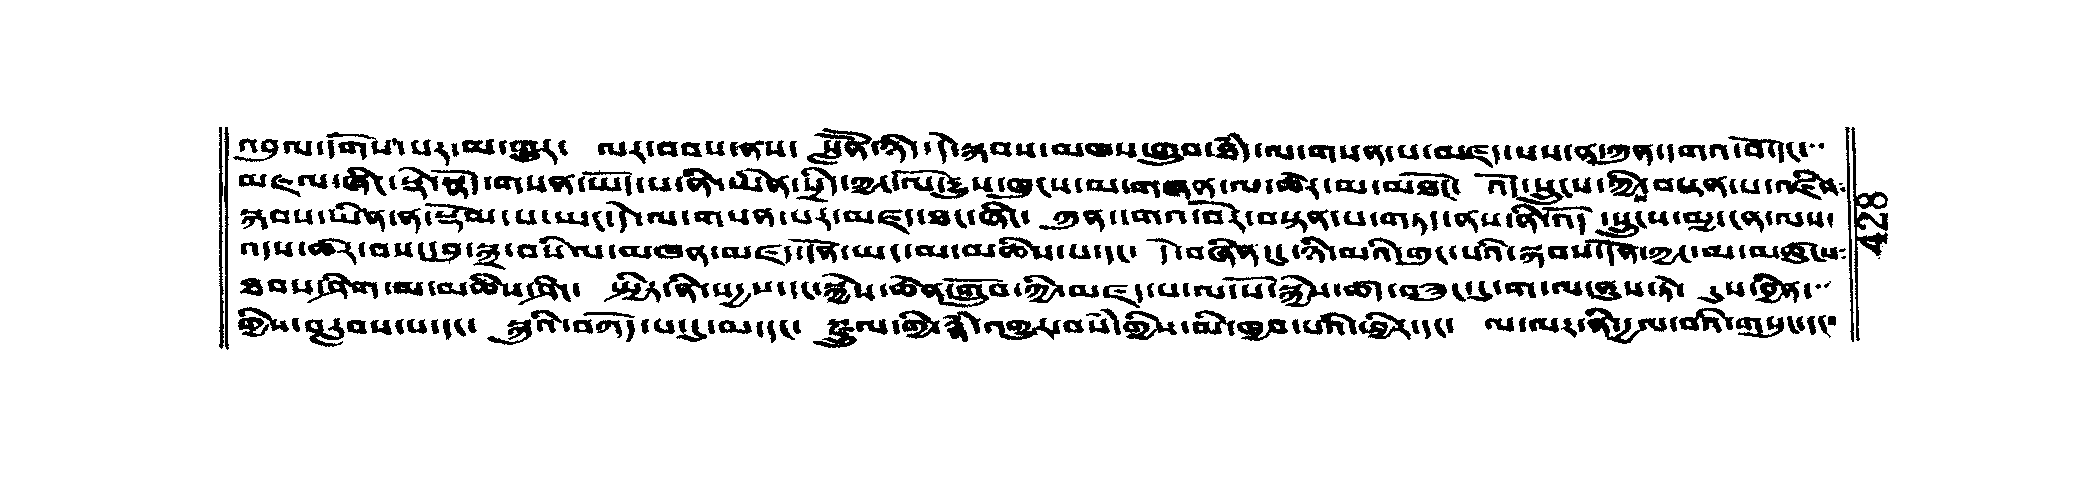འབུལ་དགོས་པར་མ་གྱུར། ལར་བབས་ནས། སློབ་དཔོན་ཉིད་དེ་སྐབས་མཁས་གྲུབ་ཐམས་ཅད་ལ་གསན་པ་མཛད་པས་ན་ཀུན་དགའ་བོ་དང་
མཇལ་ཞིང་སྡེ་སྣོད་གསན་ཡོད་པ་ནི་ཡིན་སྲིད་ཀྱང་ལོ་རྒྱུས་ཁུངས་མ་གཞན་ལ་ཆེར་མ་མཐོང་། འོད་སྲུངས་ཀྱིས་བསྟན་པ་འཛིན་
སྐབས་ཡིན་ན་སྡོམ་པ་ཡང་དེ་ལ་གསན་པར་མཛད་ཐང་ཞིང་། ཀུན་དགའ་བོར་བསྟན་པ་གཏད་ནས་ནི་འོད་སྲུངས་མྱ་ངན་ལས་
འདས་ཚར་བས་དབུ་སྐྲ་བསིལ་མཁན་མཛད་དོན་ཡང་མ་མཆིས་པ་དང་། དེ་བཞིན་དུ་ཉི་མའི་གུང་པའི་སྐབས་དོན་ཀྱང་མ་མཚུངས་
ཐབས་ཤིག་མ་མཆིས་ཤིང་། སྤྱིར་ནི་སངས་རྒྱས་དང་སྐྱེས་ཆེན་གྲུབ་ཐོབ་ཀྱི་མཛད་པ་ལ་སོ་སྐྱེས་ཚད་བཟུང་དུ་ག་ལ་ནུས་ཏེ། དུས་བྱིན་
གྱིས་རླབས་པ་དང་། སྐུའི་བཀོད་པ་དུ་མ་དང་། རྫུ་འཕྲུལ་གྱི་རྣམ་འགྱུར་བསམ་གྱིས་མི་ཁྱབ་པའི་ཕྱིར་དང་། ལ་ལར་ནི་རྒྱལ་བའི་གསུང་དང་